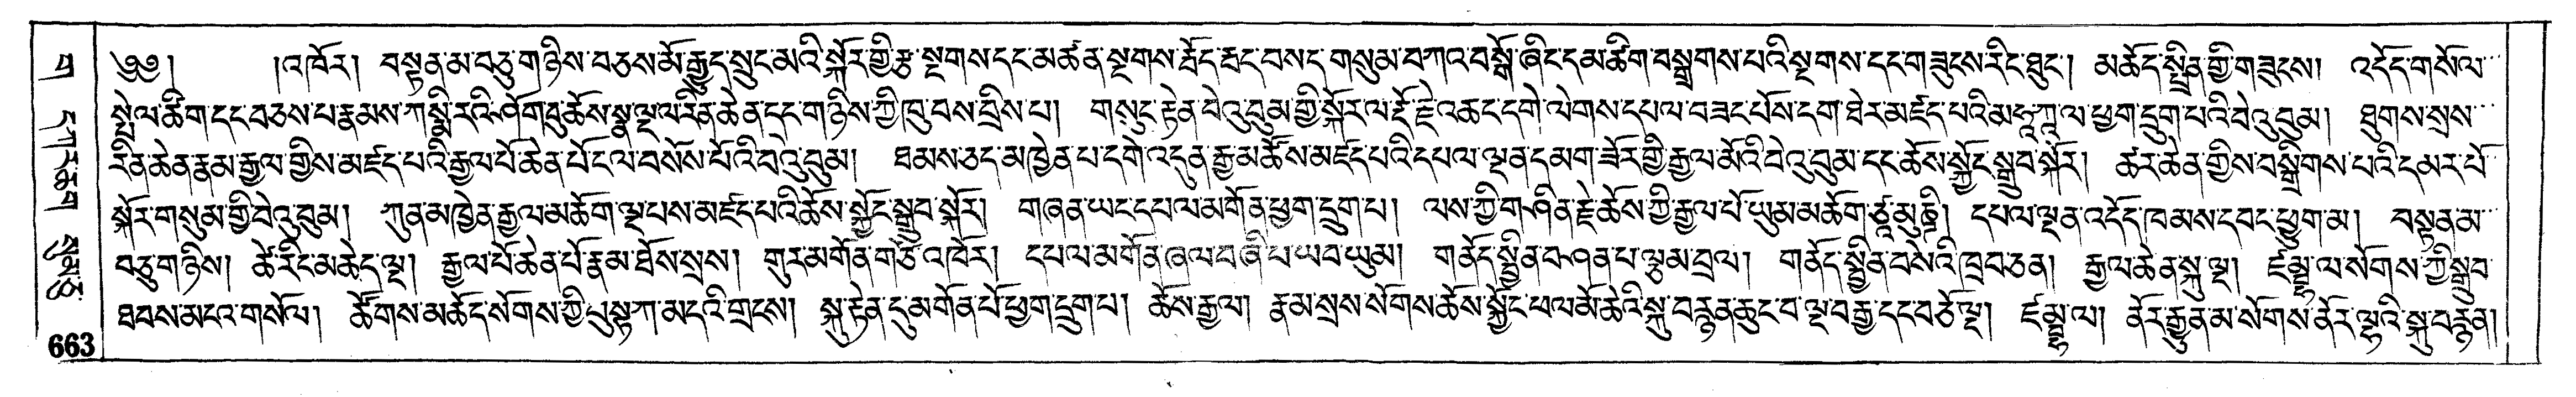༄༅། །འཁོར། བསྟན་མ་བཅུ་གཉིས་བཅས་མོ་རྒྱུད་སྲུང་མའི་སྐོར་གྱི་རྩ་སྔགས་དང་མཚན་སྔགས་རྦོད་རྦང་བསད་གསུམ་བཀའ་བསྒོ་ཞིང་དམ་ཚིག་བསྒྲགས་པའི་སྔགས་དང་གཟུངས་རིང་ཐུང་། མཆོད་སྤྲིན་གྱི་གཟུངས། འདོད་གསོལ་
སྤེལ་ཚིག་དང་བཅས་པ་རྣམས་ཀསྨི་རའི་ཤོག་བུ་ཚོས་སྣ་ལྔ་ལ་རིན་ཆེན་དང་གཉིས་ཀྱི་ཁུ་བས་བྲིས་པ། གསུང་རྟེན་བེའུ་བུམ་གྱི་སྐོར་ལ་རྡོ་རྗེ་འཆང་དགེ་ལེགས་དཔལ་བཟང་པོས་དག་ཐེར་མཛད་པའི་མ་ཧཱ་ཀཱ་ལ་ཕྱག་དྲུག་པའི་བེའུ་བུམ། ཐུགས་སྲས་
རིན་ཆེན་རྣམ་རྒྱལ་གྱིས་མཛད་པའི་རྒྱལ་པོ་ཆེན་པོ་ངལ་བསོས་པོའི་བེའུ་བུམ། ཐམས་ཅད་མཁྱེན་པ་དགེ་འདུན་རྒྱ་མཚོས་མཛད་པའི་དཔལ་ལྡན་དམག་ཟོར་གྱི་རྒྱལ་མོའི་བེའུ་བུམ་དང་ཆོས་སྐྱོང་སྒྲུབ་སྐོར། ཚར་ཆེན་གྱིས་བསྒྲིགས་པའི་དམར་པོ་
སྐོར་གསུམ་གྱི་བེའུ་བུམ། ཀུན་མཁྱེན་རྒྱལ་མཆོག་ལྔ་པས་མཛད་པའི་ཆོས་སྐྱོང་སྒྲུབ་སྐོར། གཞན་ཡང་དཔལ་མགོན་ཕྱག་དྲུག་བ། ལས་ཀྱི་གཤིན་རྗེ་ཆོས་ཀྱི་རྒྱལ་པོ་ཡུམ་མཆོག་ཙཱ་མུཎྜི། དཔལ་ལྡན་འདོད་ཁམས་དབང་ཕྱུག་མ། བསྟན་མ་
བཅུ་གཉིས། ཚེ་རིང་མཆེད་ལྔ། རྒྱལ་པོ་ཆེན་པོ་རྣམ་ཐོས་སྲས། གུར་མགོན་གཙོ་འཁོར། དཔལ་མགོན་ཞལ་བཞི་པ་ཡབ་ཡུམ། གནོད་སྦྱིན་བཤན་པ་ལྕམ་བྲལ། གནོད་སྦྱིན་བསེའི་ཁྲབ་ཅན། རྒྱལ་ཆེན་སྐུ་ལྔ། ཛམྦྷ་ལ་སོགས་ཀྱི་སྒྲུབ་
ཐབས་མངའ་གསོལ། ཚོགས་མཆོད་སོགས་ཀྱི་པུསྟ་ཀ་མདའི་གྲངས། སྐུ་རྟེན་དུ་མགོན་པོ་ཕྱག་དྲུག་པ། ཆོས་རྒྱལ། རྣམ་སྲས་སོགས་ཆོས་སྐྱོང་ཕལ་མོ་ཆེའི་སྐུ་བརྙན་ཆུང་བ་ལྔ་བརྒྱ་དང་བཅོ་ལྔ། ཛམྦྷ་ལ། ནོར་རྒྱུན་མ་སོགས་ནོར་ལྷའི་སྐུ་བརྙན་